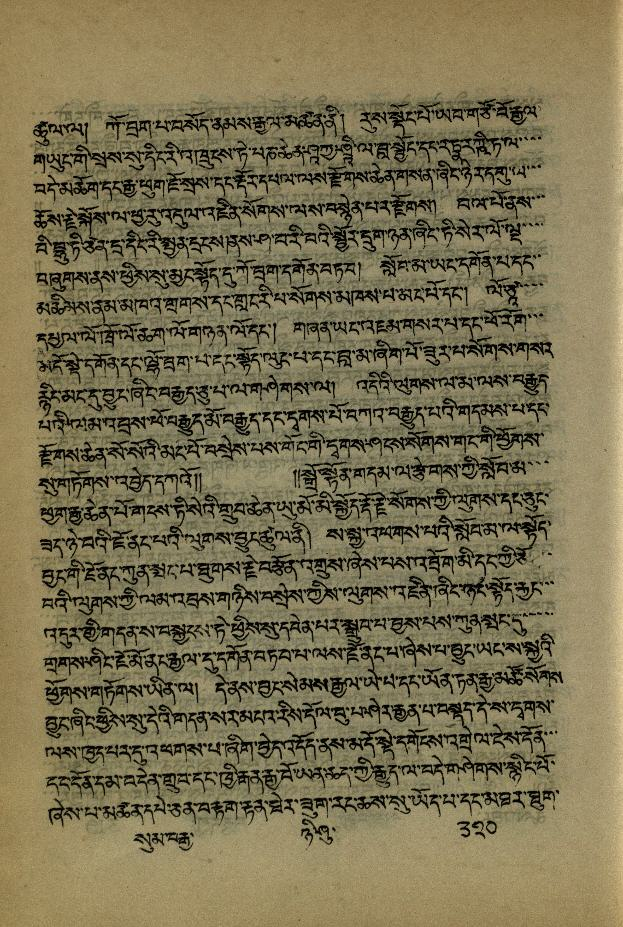ཚུལ་ལོ། ཀོ་བྲག་པ་བསོད་ནམས་རྒྱལ་མཚན་ནི། རུས་སྡོང་པོ་ཡབ་གཙོ་བོ་རྒྱལ་
གཡུང་གི་སྲས་སུ་དིང་རི་འཁྲུངས་ཏེ་པཎ་ཆེན་ཤཱཀྱ་ཤྲཱི་ལ་བླ་སྦྱོང་དང་རཏྣ་རཀྵི་ཏ་ལ་
བདེ་མཆོག་དང་རྒྱ་ཕུག་ཇོ་སྲས་དང་རྡོར་དཔལ་ལས་རྫོགས་ཆེན་གསན་ཞིང་ཉེར་དགུ་ལ་
ཆོས་རྗེ་སྐོས་ལ་ཕྱ་རུ་འདུལ་འཛིན་སོགས་ལས་བསྙེན་པར་རྫོགས། བལ་པོ་ནས་
བི་བྷུ་ཏི་ཙན་དྲ་ཏིང་རི་སྤྱན་དྲངས། ནས་ཤ་བ་རི་བའི་སྦྱོར་དྲུག་ཉན་ཞིང་ཏི་སེར་ལོ་ལྔ་
བཞུགས་ནས་ཕྱིས་སུ་མྱང་སྟོད་དུ་ཀོ་བྲག་དགོན་བཏབ། སློབ་མ་ཡང་དགོན་པ་དང་
མཆིམས་ནམ་མཁའ་གྲགས་དང་གླང་རི་པ་སོགས་མཁས་པ་མང་པོ་དང་། ལོ་ཙཱ་
དཔྱལ་ལོ་ཁྲོ་ལོ་ཆག་ལོ་གཉན་ལོ་དང་། གཞན་ཡང་འཇམ་གསར་པ་དང་ཕོ་རོག་
མདོ་སྡེ་དགོན་དང་ལྷོ་བྲག་པ་དང་སྟོད་ལུང་པ་དང་བླ་མ་ཞིག་པོ་ཟུར་པ་སོགས་གསར་
རྙིང་མང་དུ་བྱུང་ཞིང་བརྒྱད་ཅུ་པ་ལ་གཤེགས་ལ། འདིའི་ལུགས་ལ་མ་ལས་བརྒྱུད་
པའི་ལམ་འབྲས་ཕོ་བརྒྱུད་མོ་བརྒྱུད་དང་དྭགས་པོ་བཀའ་བརྒྱུད་པའི་གདམས་པ་དང་
རྫོགས་ཆེན་སོ་སོའི་མང་པོ་བསྲེས་པས་གོང་གི་དྭགས་ཤངས་སོགས་གང་གི་ཕྱོགས་
སུ་གཏོགས་འབྱེད་དཀའོ།། །།སྒྲོ་སྟོན་གདམ་ལ་རྩེགས་ཀྱི་སློབ་མ་
ཕྱག་རྒྱ་ཆེན་པོ་གངས་ཏེ་སེའི་གྲུབ་ཆེན་ཡུ་མོ་མི་སྐྱོད་རྡོ་རྗེ་སོགས་ཀྱི་ལུགས་དང་ཅུང་
ཟད་ཉེ་བའི་ཇོ་ནང་པའི་ལུགས་བྱུང་ཚུལ་ནི། ས་སྐྱ་འཕགས་པའི་སློབ་མ་ལ་སྟོད་
བྱང་གི་ཇོ་ནང་ཀུན་སྤང་པ་ཐུགས་རྗེ་བརྩོན་འགྲུས་ཞེས་པས་འབྲོག་མི་དང་ཀྱི་ཅོ་
བའི་ལུགས་ཀྱི་ལམ་འབྲས་གཉིས་བསྲེས་ཀྱིས་ལུགས་འཛིན་ཞིང་ཉན་སྟོད་རྐྱང་
འདུར་གྱི་གདན་ས་བསྐྱངས་ཏེ་ཕྱིས་སུ་དབེན་པར་སྒྲུབ་པ་བྱས་པས་ཀུན་སྤང་དུ་
གྲགས་ཤིང་ཇོ་མོ་ནང་རྒྱལ་དུ་དགོན་བཏབ་པ་ལས་ཇོ་ནང་པ་ཞེས་པ་བྱུང་ཡང་ས་སྐྱའི་
ཕྱོགས་གཏོགས་ཡིན་ལ། དེ་ནས་བྱང་སེམས་རྒྱལ་ཡེ་པ་དང་ཡོན་ཏན་རྒྱ་མཚོ་སོགས་
བྱུང་ཞིང་ཕྱིས་སུ་དེའི་གདན་སར་མངའ་རིས་དོལ་བུ་པ་ཤེར་རྒྱན་པ་བསྡད་དེ་ས་དྭགས་
ལས་ཁྱད་པར་དུ་འཕགས་པ་ཞིག་བྱེད་འདོད་ནས་མདོ་སྡེ་དགོངས་འགྲེལ་ངེས་དོན་
དང་དོན་དམ་བདེན་གྲུབ་དང་ཁྱི་རྒན་རྒྱ་བོ་ཡན་ཆད་ཀྱི་རྒྱུད་ལ་བདེ་གཤེགས་སྙིང་པོ་
ཞེས་པ་མཚན་དཔེ་ཅན་བརྟག་རྟན་ཐེར་ཟུག་རང་ཆས་སུ་ཡོད་པ་དང་མཐར་ཐུག་